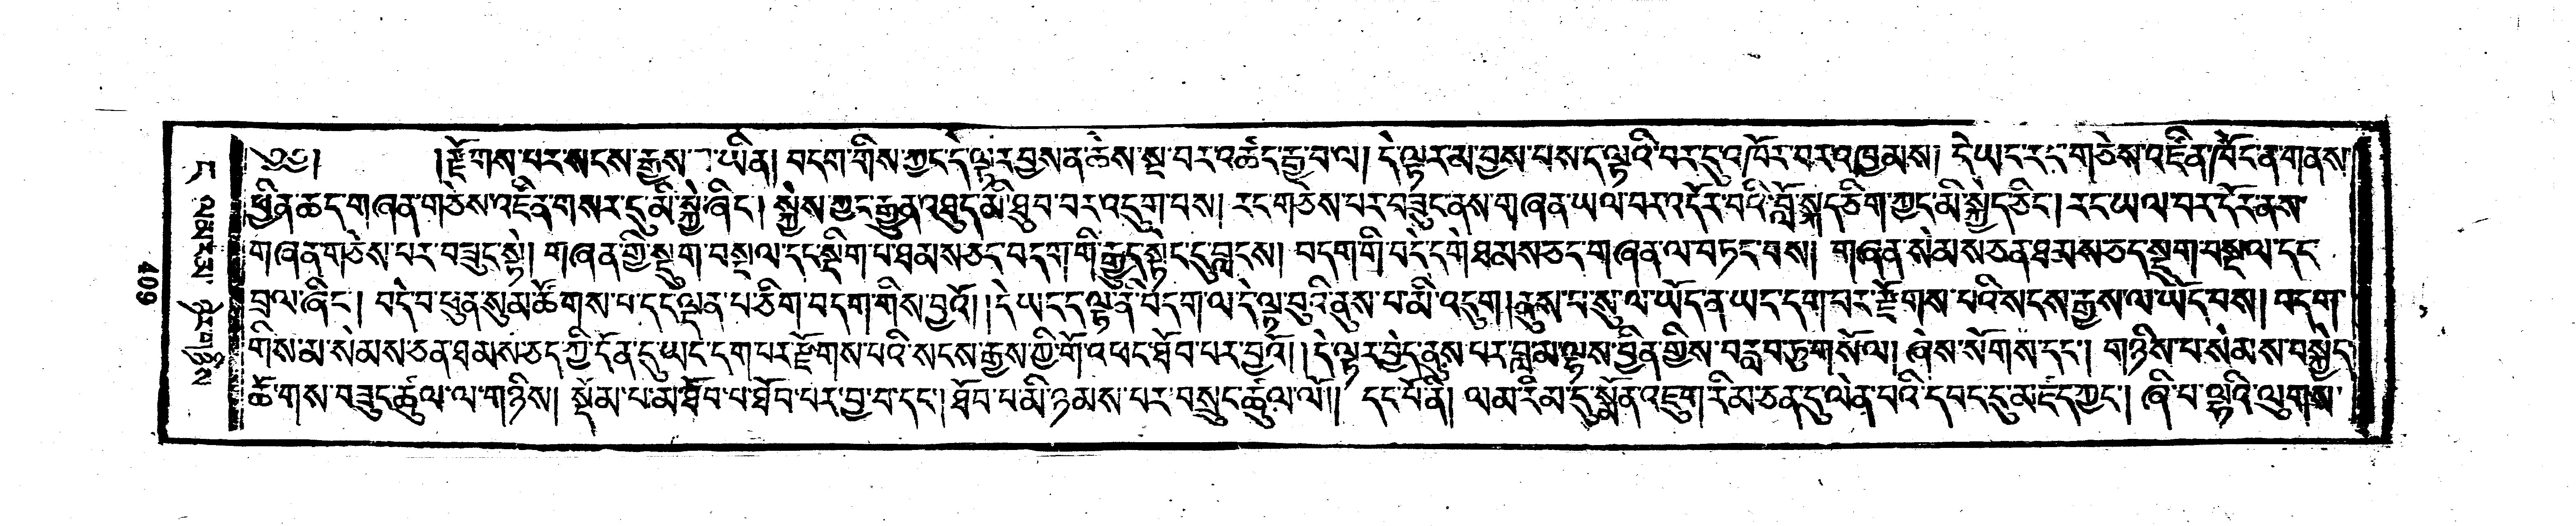༄༅། །རྫོགས་པར་སངས་རྒྱས་པ་ཡིན། བདག་གིས་ཀྱང་དེ་ལྟར་བྱས་ན་ཆེས་སྔ་བར་འཚང་རྒྱ་བ་ལ། དེ་ལྟར་མ་བྱས་པས་ད་ལྟའི་བར་དུ་འཁོར་བར་འཁྱམས། ད་ཡང་རང་གཅེས་འཛིན་ཁོང་ན་གནས་
ཕྱིན་ཆད་གཞན་གཅེས་འཛིན་གསར་དུ་མི་སྐྱེ་ཞིང་། སྐྱེས་ཀྱང་རྒྱུན་འཐུད་མི་ཐུབ་པར་འདུག་པས། རང་གཅེས་པར་བཟུང་ནས་གཞན་ཡལ་བར་འདོར་བའི་བློ་སྐད་ཅིག་ཀྱང་མི་སྐྱེད་ཅིང་། རང་ཡལ་བར་དོར་ནས་
གཞན་གཅེས་པར་བཟུང་སྟེ། གཞན་གྱི་སྡུག་བསྔལ་དང་སྡིག་པ་ཐམས་ཅད་བདག་གི་རྒྱུད་སྟེང་དུ་བླངས། བདག་གི་བདེ་དགེ་ཐམས་ཅད་གཞན་ལ་བཏང་བས། གཞན་སེམས་ཅན་ཐམས་ཅད་སྡུག་བསྔལ་དང་
བྲལ་ཞིང་། བདེ་བ་ཕུན་སུམ་ཚོགས་པ་དང་ལྡན་པ་ཅིག་བདག་གིས་བྱའོ། །དེ་ཡང་ད་ལྟ་ནི་བདག་ལ་དེ་ལྟ་བུའི་ནུས་པ་མི་འདུག །ནུས་པ་སུ་ལ་ཡོད་ན་ཡང་དག་པར་རྫོགས་པའི་སངས་རྒྱས་ལ་ཡོད་པས། བདག་
གིས་མ་སེམས་ཅན་ཐམས་ཅད་ཀྱི་དོན་དུ་ཡང་དག་པར་རྫོགས་པའི་སངས་རྒྱས་ཀྱི་གོ་འཕང་ཐོབ་པར་བྱའོ། །དེ་ལྟར་བྱེད་ནུས་པར་བླ་མ་ལྷས་བྱིན་གྱིས་བརླབ་ཏུ་གསོལ། ཞེས་སོགས་དང་། གཉིས་པ་སེམས་བསྐྱེད་
ཆོ་གས་བཟུང་ཚུལ་ལ་གཉིས། སྡོམ་པ་མ་ཐོབ་པ་ཐོབ་པར་བྱ་བ་དང་། ཐོབ་པ་མི་ཉམས་པར་བསྲུང་ཚུལ་ལོ། །དང་པོ་ནི། ལམ་རིམ་དུ་སྨོན་འཇུག་རིམ་ཅན་དུ་ལེན་པའི་དབང་དུ་མཛད་ཀྱང་། ཞི་བ་ལྷའི་ལུགས་